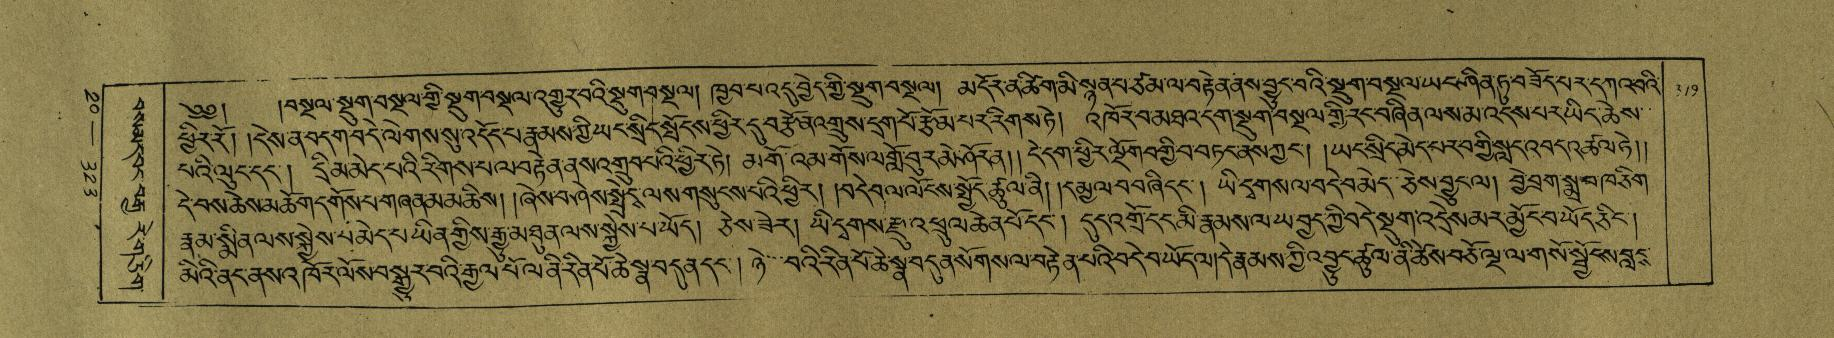༄༅། །བསྔལ་སྡུག་བསྔལ་གྱི་སྡུག་བསྔལ་འགྱུར་བའི་སྡུག་བསྔལ། ཁྱབ་པ་འདུ་བྱེད་གྱི་སྡུག་བསྔལ། མདོར་ན་ཚིག་མི་སྙན་པ་ཙམ་ལ་བརྟེན་ནས་བྱུང་བའི་སྡུག་བསྔལ་ཡང་ཤིན་ཏུ་བཟོད་པར་དཀའ་བའི་
ཕྱིར་རོ། །དེས་ན་བདག་བདེ་ལེགས་སུ་འདོད་པ་རྣམས་ཀྱི་ཡང་སྲིད་སྤོངས་ཕྱིར་དུ་བརྩོན་འགྲུས་དྲག་པོ་རྩོམ་པར་རིགས་ཏེ། འཁོར་བ་མཐའ་དག་སྡུག་བསྔལ་གྱི་རང་བཞིན་ལས་མ་འདས་པར་ཡིད་ཆེས་
པའི་ལུང་དང་། དྲི་མ་མེད་པའི་རིགས་པ་ལ་བརྟེན་ནས་འགྲུབ་པའི་ཕྱིར་ཏེ། མགོ་འམ་གོས་ལ་གློ་བུར་མེ་ཤོར་ན། །དེ་དག་ཕྱིར་ལྡོག་བགྱི་བ་བཏང་ནས་ཀྱང་། །ཡང་སྲིད་མེད་པར་བགྱི་སླད་འབད་འཚལ་ཏེ།།
དེ་བས་ཆེས་མཆོག་དགོས་པ་གཞན་མ་མཆིས། །ཞེས་བཤེས་སྤྲེང་ལས་གསུངས་པའི་ཕྱིར། །བདེ་བ་ལ་ལོངས་སྤྱོད་ཚུལ་ནི། །དམྱལ་བ་བཞི་དང་། ཡི་དྭགས་ལ་བདེ་བ་མེད་ཅེས་བྱུང་ལ། བྱེ་བྲག་སྨྲ་བ་ཁ་ཅིག་
རྣམ་སྨིན་ལས་སྐྱེས་པ་མེད་པ་ཡིན་གྱིས་རྒྱུ་མཐུན་ལས་སྐྱེས་པ་ཡོད། ཅེས་ཟེར། ཡི་དྭགས་རྫུ་འཕྲུལ་ཆེན་པོ་དང་། དུད་འགྲོ་དང་མི་རྣམས་ལ་ཡ་བྱད་ཀྱི་བདེ་སྡུག་འདྲེས་མར་མྱོང་བ་ཡོད་ཅིང་།
མིའི་ནང་ནས་འཁོར་ལོས་བསྒྱུར་བའི་རྒྱལ་པོ་ལ་ནི་རིན་པོ་ཆེ་སྣ་བདུན་དང་། ཉེ་བའི་རིན་པོ་ཆེ་སྣ་བདུན་སོགས་ལ་བརྟེན་པའི་བདེ་བ་ཡོད་ལ། དེ་རྣམས་ཀྱི་འབྱུང་ཚུལ་ནི་ཚེས་བཅོ་ལྔ་ལ་གསོ་སྦྱོངས་བླངས་